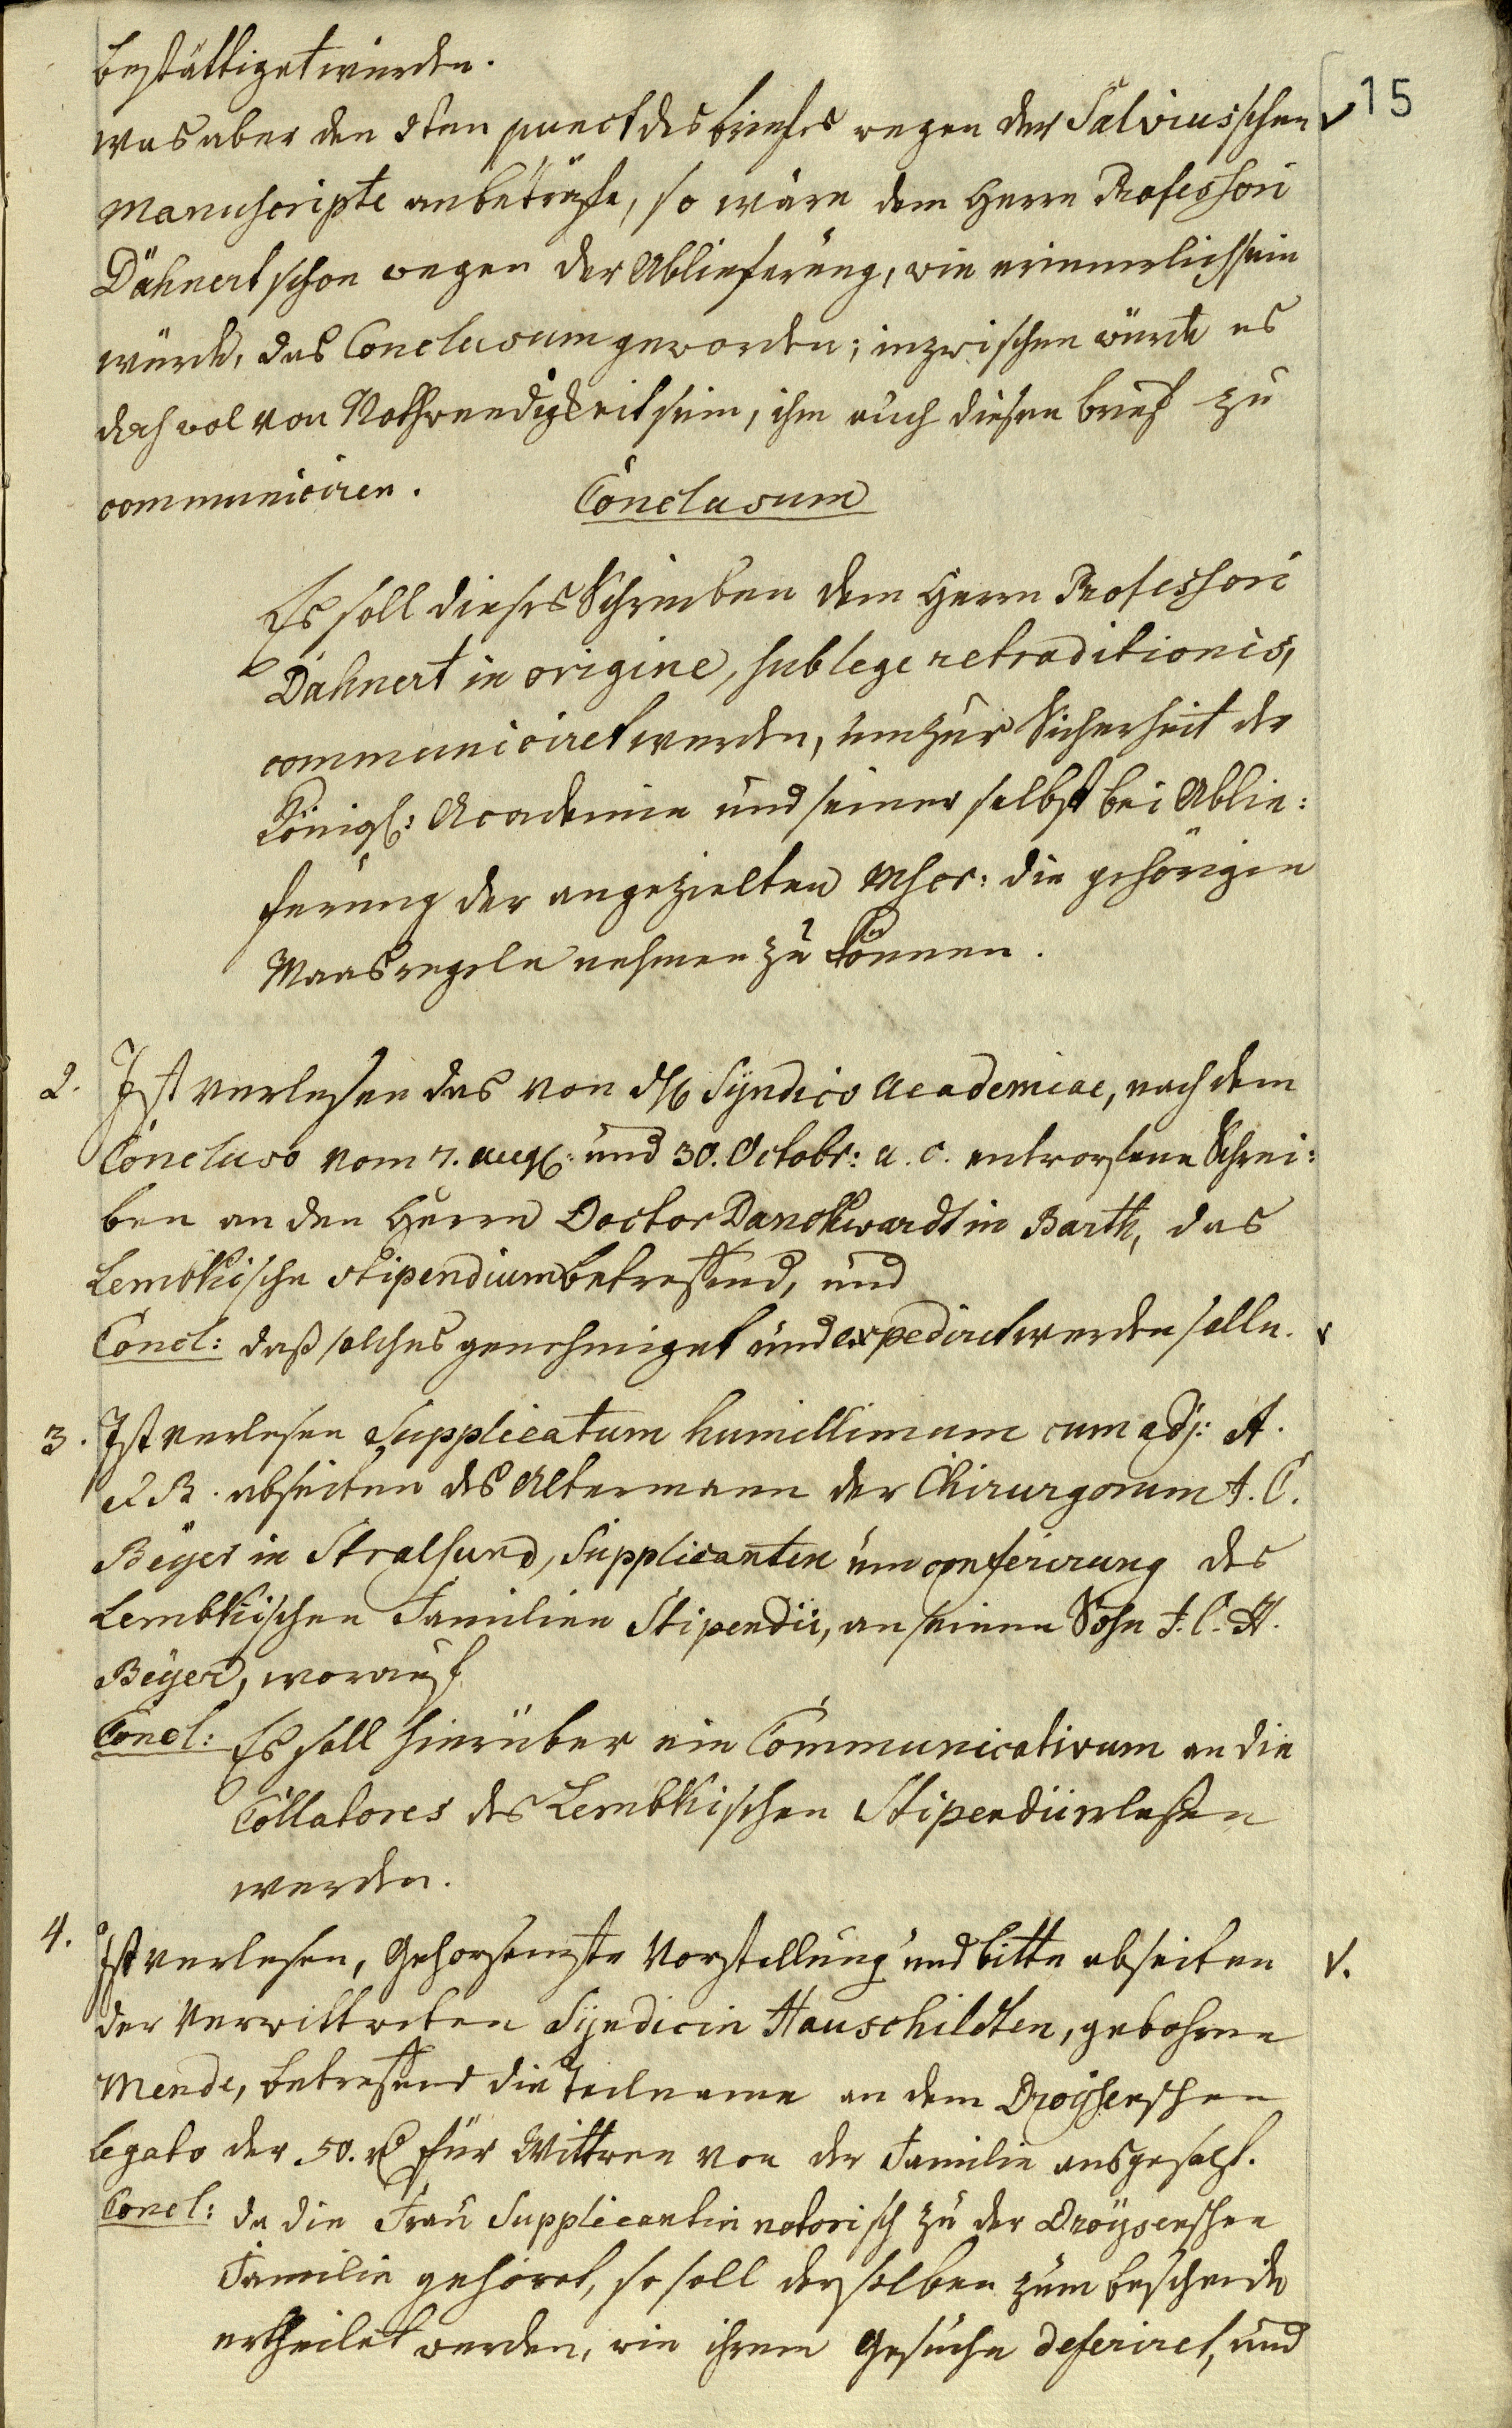bestättiget würden.
was aber den 2 ten punct des Briefes wegen der Salviusschen
Manuscripte anbeträfe, so wäre dem Herrn Professori
Dähnert schon wegen der Ablieferung, wie erinnerlich sein
würde, das Conclusum geworden; inzwischen würde es
doch wol von Nothendigkeit sein, ihm auch diesen Brief zu
communiciren.
Conclusum
Es soll dieses Schreiben dem Herrn Professori
Dähnert in orgine, sub lege retraditionis,
communiciret werden, um zur Sicherheit der
Königl. Academie und seiner selbst bei Ablie¬
ferung der angezielten Mscr. die gehörigen
Maasregeln nehmen zu können.
2. Ist verlesen das von dh. Sÿndico Academiae, nach dem
Concluso vom 7. Aug. und 30. Octobr. a. c. entworfene Schrei¬
ben an den Herrn Doctor Danckwardt in Barth, das
Lembkische stipendium betreffend, und
Concl. daß solches genehmiget und expediret werden solle.
3. Ist verlesen Supplicatum humillimum cum adj. A.
et B. abseiten des Altermann der Chirurgorum J. C.
Beÿer in Stralsund, Supplicanten um conferirung des
Lembkischen Familien Stipendii, an seinen Sohn F. C. H.
Beÿer, worauf
Concl. Es soll hierüber ein Communicativum an die
Collatores des Lembkischen Stipendii erlaßen
werden.
4. Ist verlesen, gehorsamste Vorstellung und Bitte abseiten
der verwittweten Sÿdicin Hauschildten, gebohrene
Mende, betreffend die teilname an dem Droÿsenschen
legato der 50 r. für Wittwen von der Familie ausgesezt.
Concl. da die Frau Supplicantin notorisch zu der Droÿsenschen
Familie gehöret, so soll derselben zum Bescheide
ertheilet werden, wie ihrem Gesuche deferiret, und